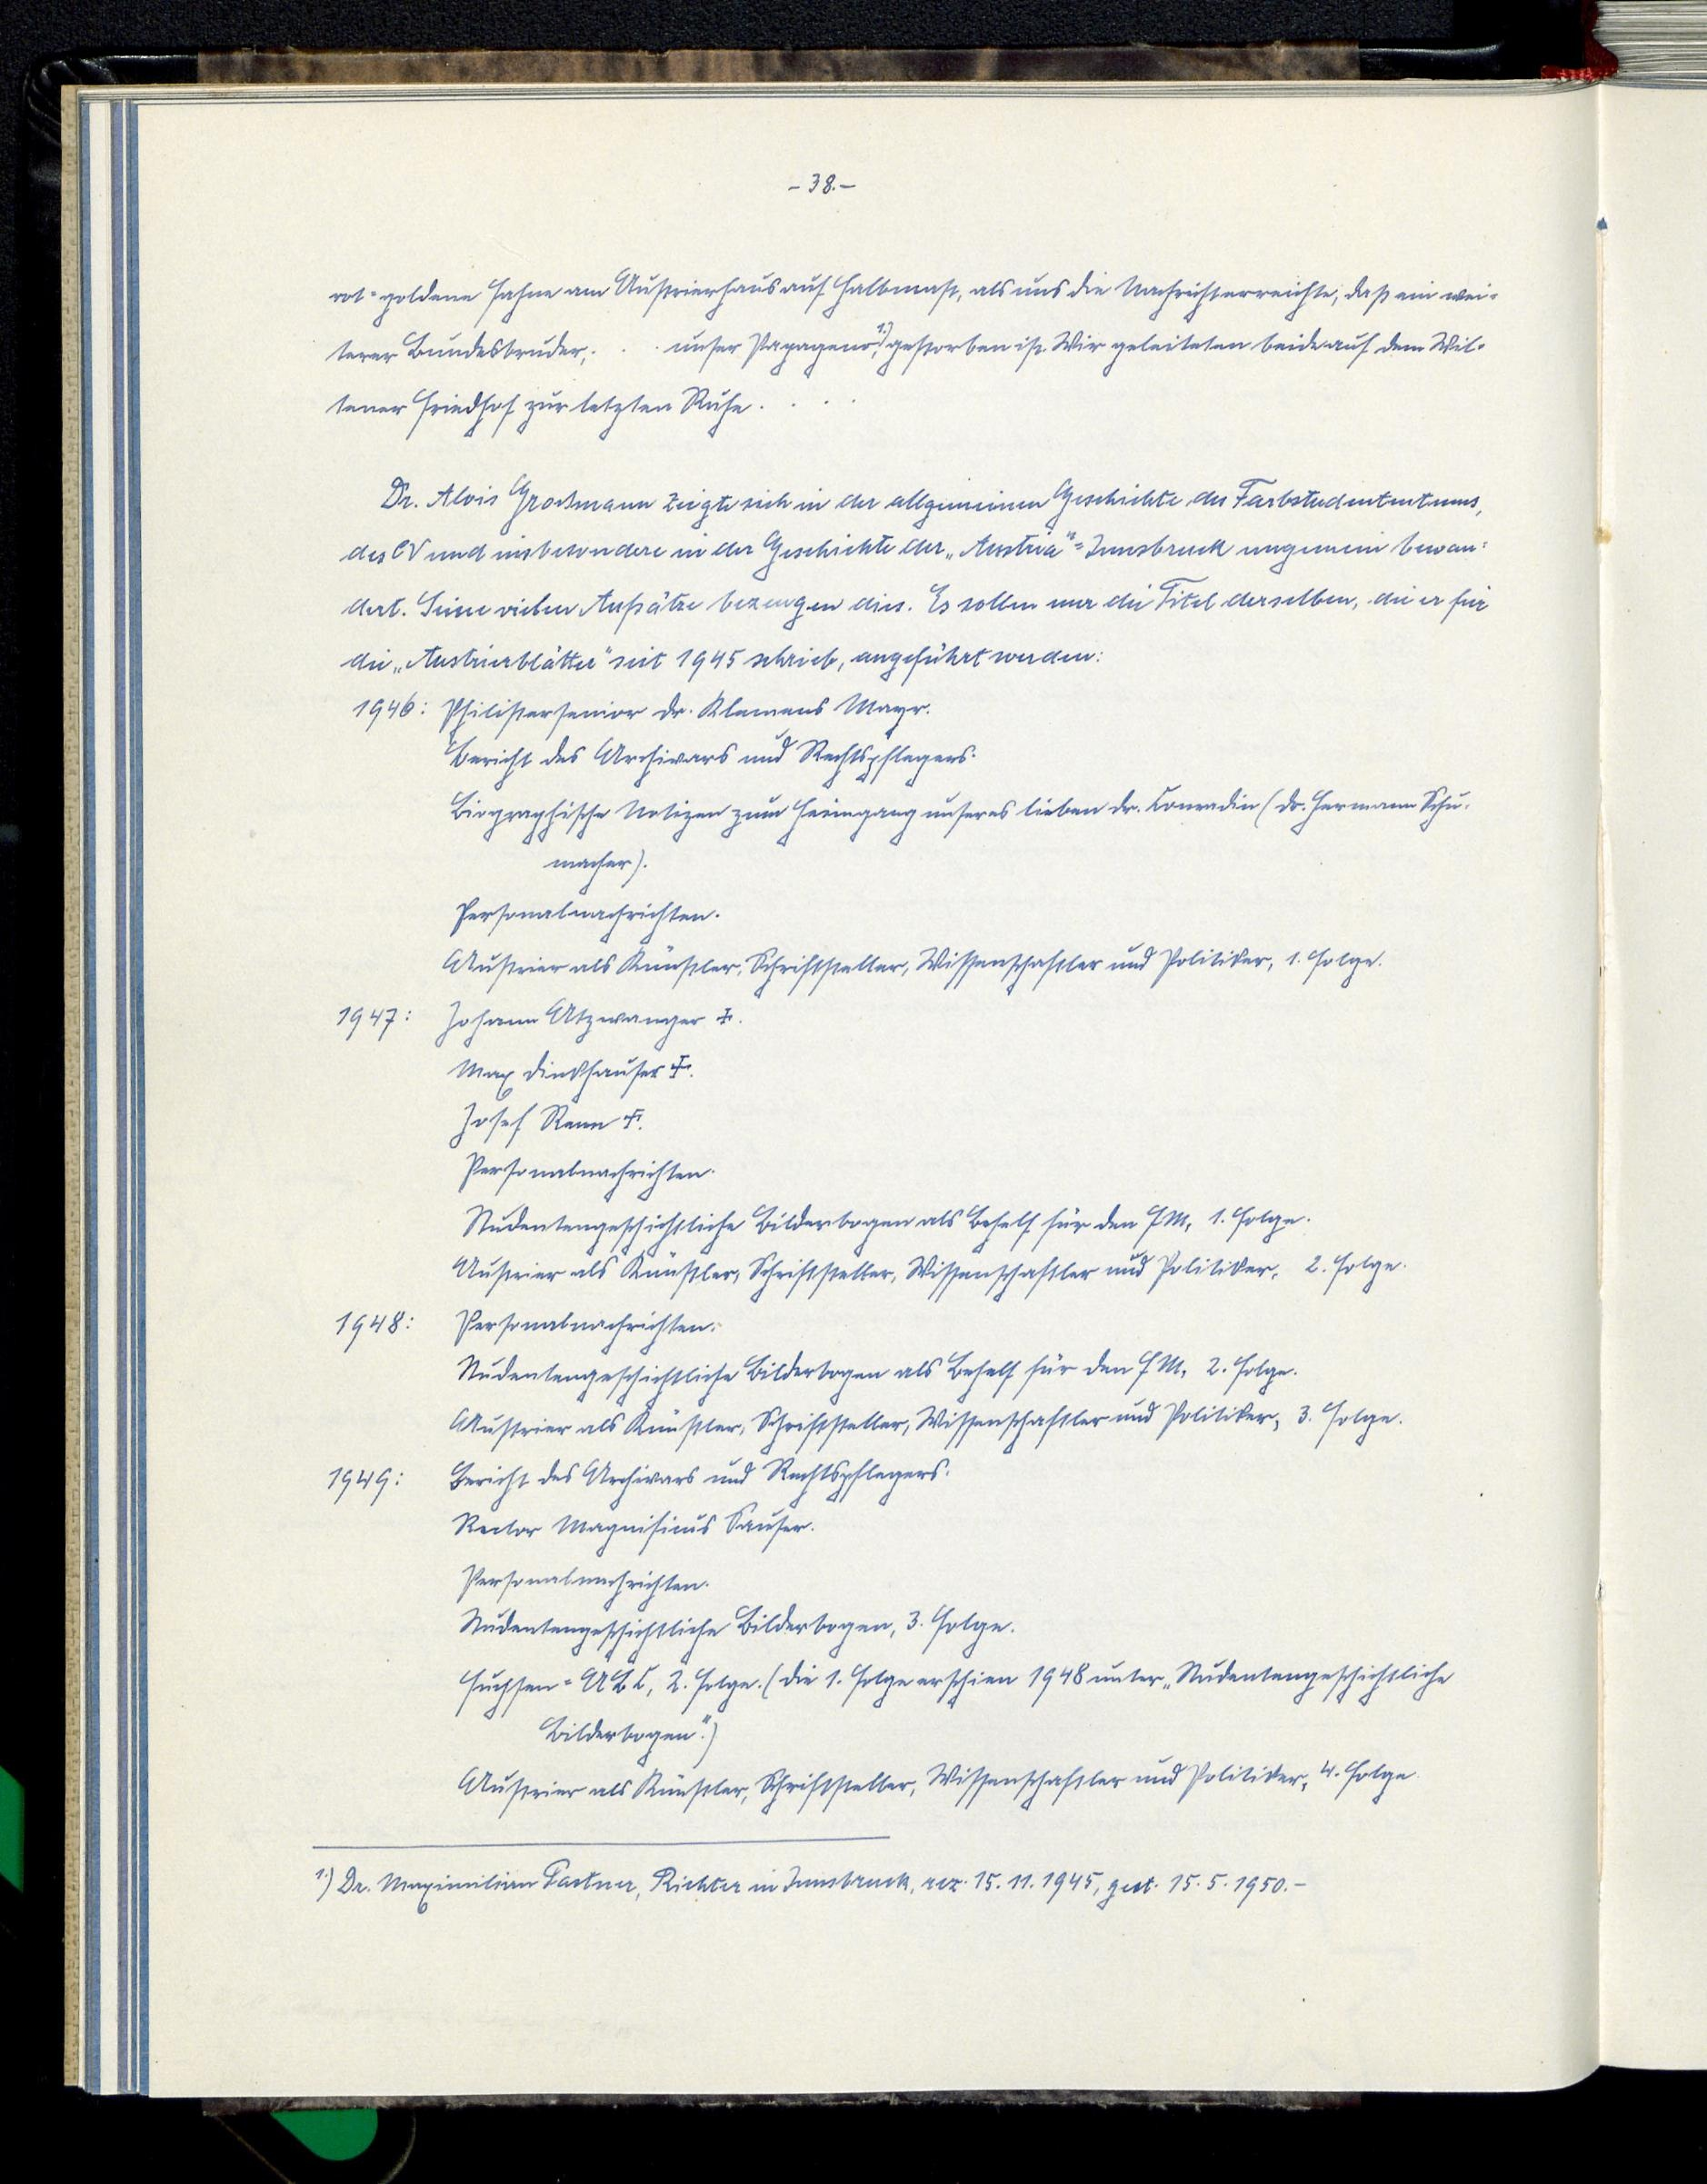38
rot-goldene Fahnen am Austrierhaus auf Halbmast, als uns die Nachricht erreichte das einen wei-
terer Bundesbruder … unser Papageno gestorben ist. Wir geleiteten beide auf dem Wil-
tener Friedhof zur letzten Ruhe.
Dr. Alois Großmann zeigte sich in der allgemeinen Geschichte des Farbstudententums
des CV und insbesondere in der Geschichte der „Austria“-Innsbruck ungemein bewan-
dert. Seine vielen Aufsätze bezeugen dies. Es soll nur die Titel derselben, die er für
die „Austriablätter“ seit 1945 schrieb, angeführt werden:
1946: Philistersenior Dr. Clemens Mayer
Bericht des Archivars und Rechtspflegers
Biografische Notizen zum Heimgang unseres lieben Dr. Conradin (Dr. Hermann Schu-
macher)
Personalnachrichten
Austrier als Künstler, Schriftsteller, Wissenschaftler und Politiker, 1. Folge
1947:
Johann Atzwanger +
Max Dinkhauser +
Josef Renn +
Personalnachrichten
Studentengeschichtliche Bilderbogen als Behelf für den FM, 1. Folge
Austrier als Künstler ,Schriftsteller, Wissenschaftler und Politiker, 2. Folge
1948:
Personalnachrichten
Studentengeschichtliche Bilderbogen als Behelf für den FM, 2. Folge
Austrier als Künstler, Schriftsteller, Wissenschaftler und Politiker, 3. Folge.
1949: Bericht des Archivars und Rechtspflegers
Rector magnificus Sauser
Personalnachrichten
Studentengeschichtliche Bilderbogen, 3. Folge
Fuchsen – A B C , 2 Folge (die 1. Folge erschien 1948 unter „Studentengeschichtliche
Bilderbogen.“)
Austrier als Künstler, Schriftsteller, Wissenschaftler und Politiker, 4. Folge
1) Dr. Maximilian Partner Richter in Innsbruck rez. 15.11.1945 gest. 15.5.1950